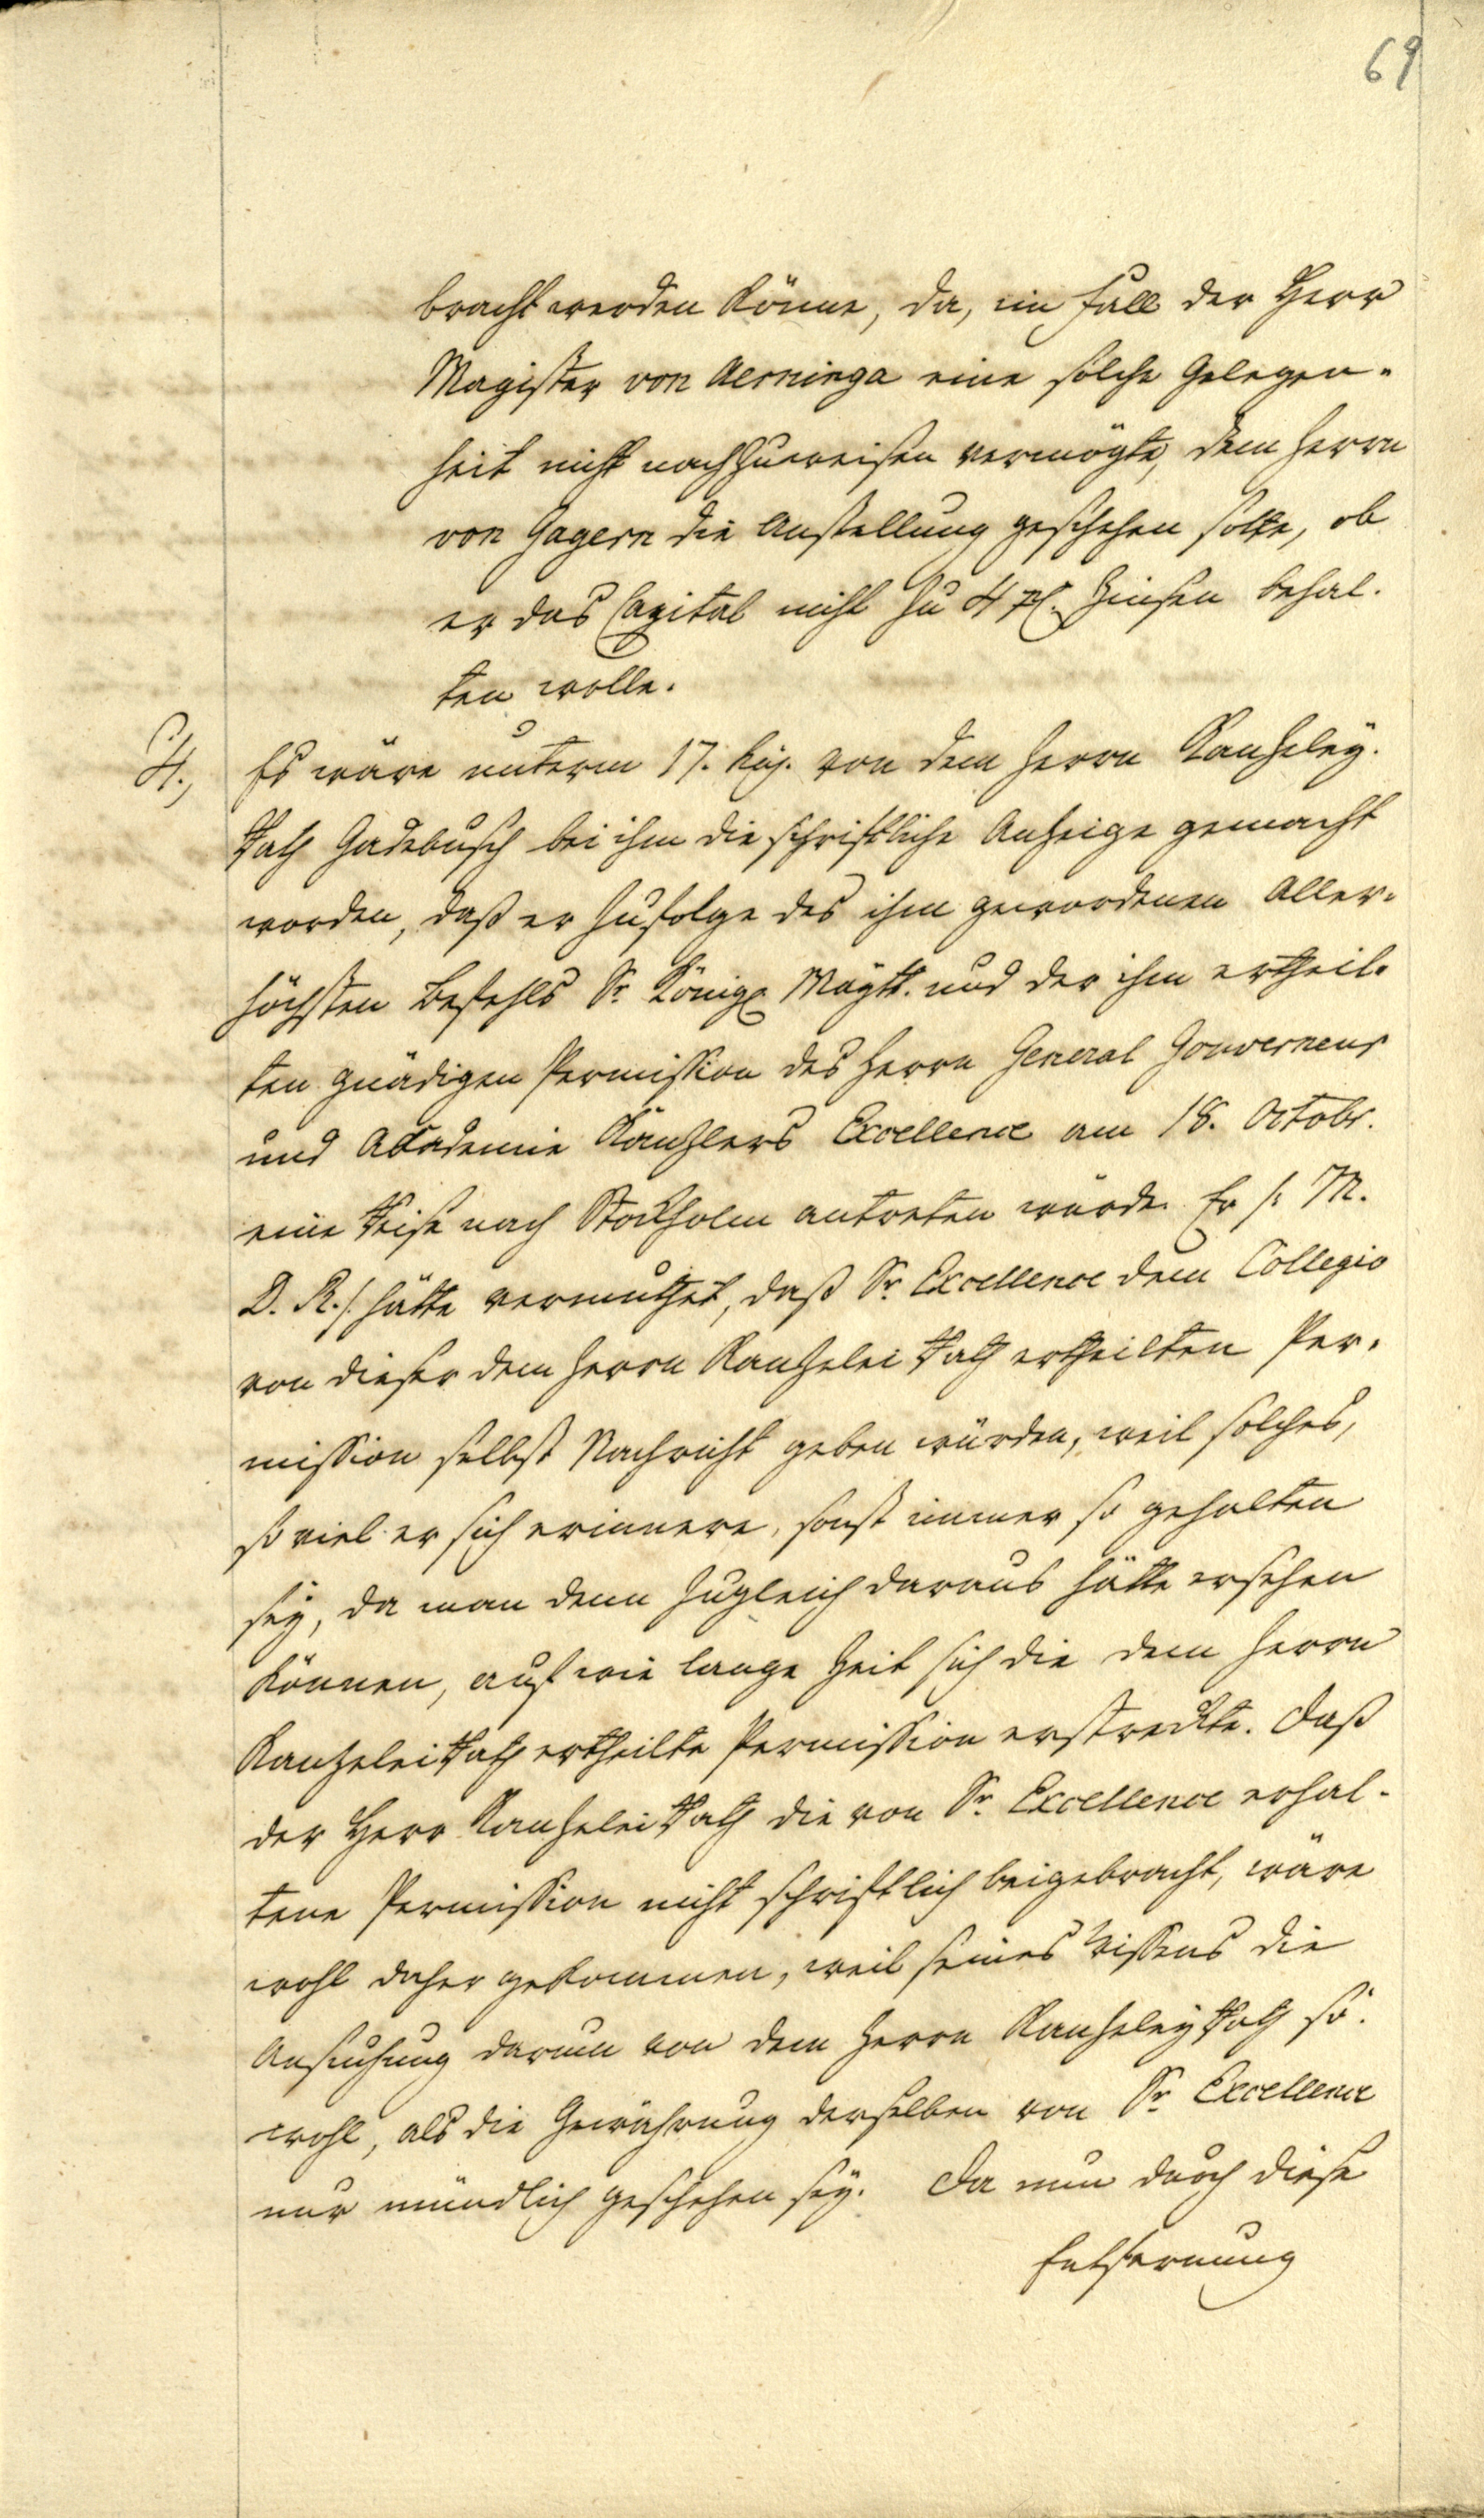bracht werden könne, da, im Fall der Herr
Magister von Aeminga eine solche Gelegen¬
heit nicht nachzuweisen vermögte, dem Herrn
von Gagern die Anstellung geschehen solte, ob
er das Capital nicht zu 4 pl. Zinsen behal¬
ten wolle.
4. Es wäre unterm 17. huj. von dem Herrn Kanzeleÿ¬
Rath Gadebusch bei ihm die schriftliche Anzeige gemacht
worden, daß er zufolge des ihm gewordenen aller¬
höchsten Befehls Sr Königl. Maÿtt. und der ihm ertheil¬
ten gnädigen Permisson des Herrn General Gouverneur
und Akademie Kanzlers Excellence am 18. Octobr.
eine Reise nach Stockholm antreten würde. Er /. M.
D. R./ hätte vermuthet, daß Sr Excellence dem Collegio
von dieser dem Herrn Kanzelei Rath ertheilten Per¬
mission selbst Nachricht geben würden, weil solches,
so viel er sich erinnere, sonst immer so gehalten
seÿ, da man denn zugleich daraus hätte ersehen
können, auf wie lange Zeit sich die dem Herrn
KanzeleiRath ertheilte Permission erstreckte. Daß
der Herr KanzeleiRath die von Sr Excellence erhal¬
tene Permission nicht schriftlich beigebracht, wäre
wohl daher gekommen, weil seines Wissens die
Ansuchung darum von dem Herrn KanzeleÿRath so¬
wohl, als die Gewährung derselben von Sr Excellence
nur mündlich geschehen seÿ. Da nun durch diese
Entfernung